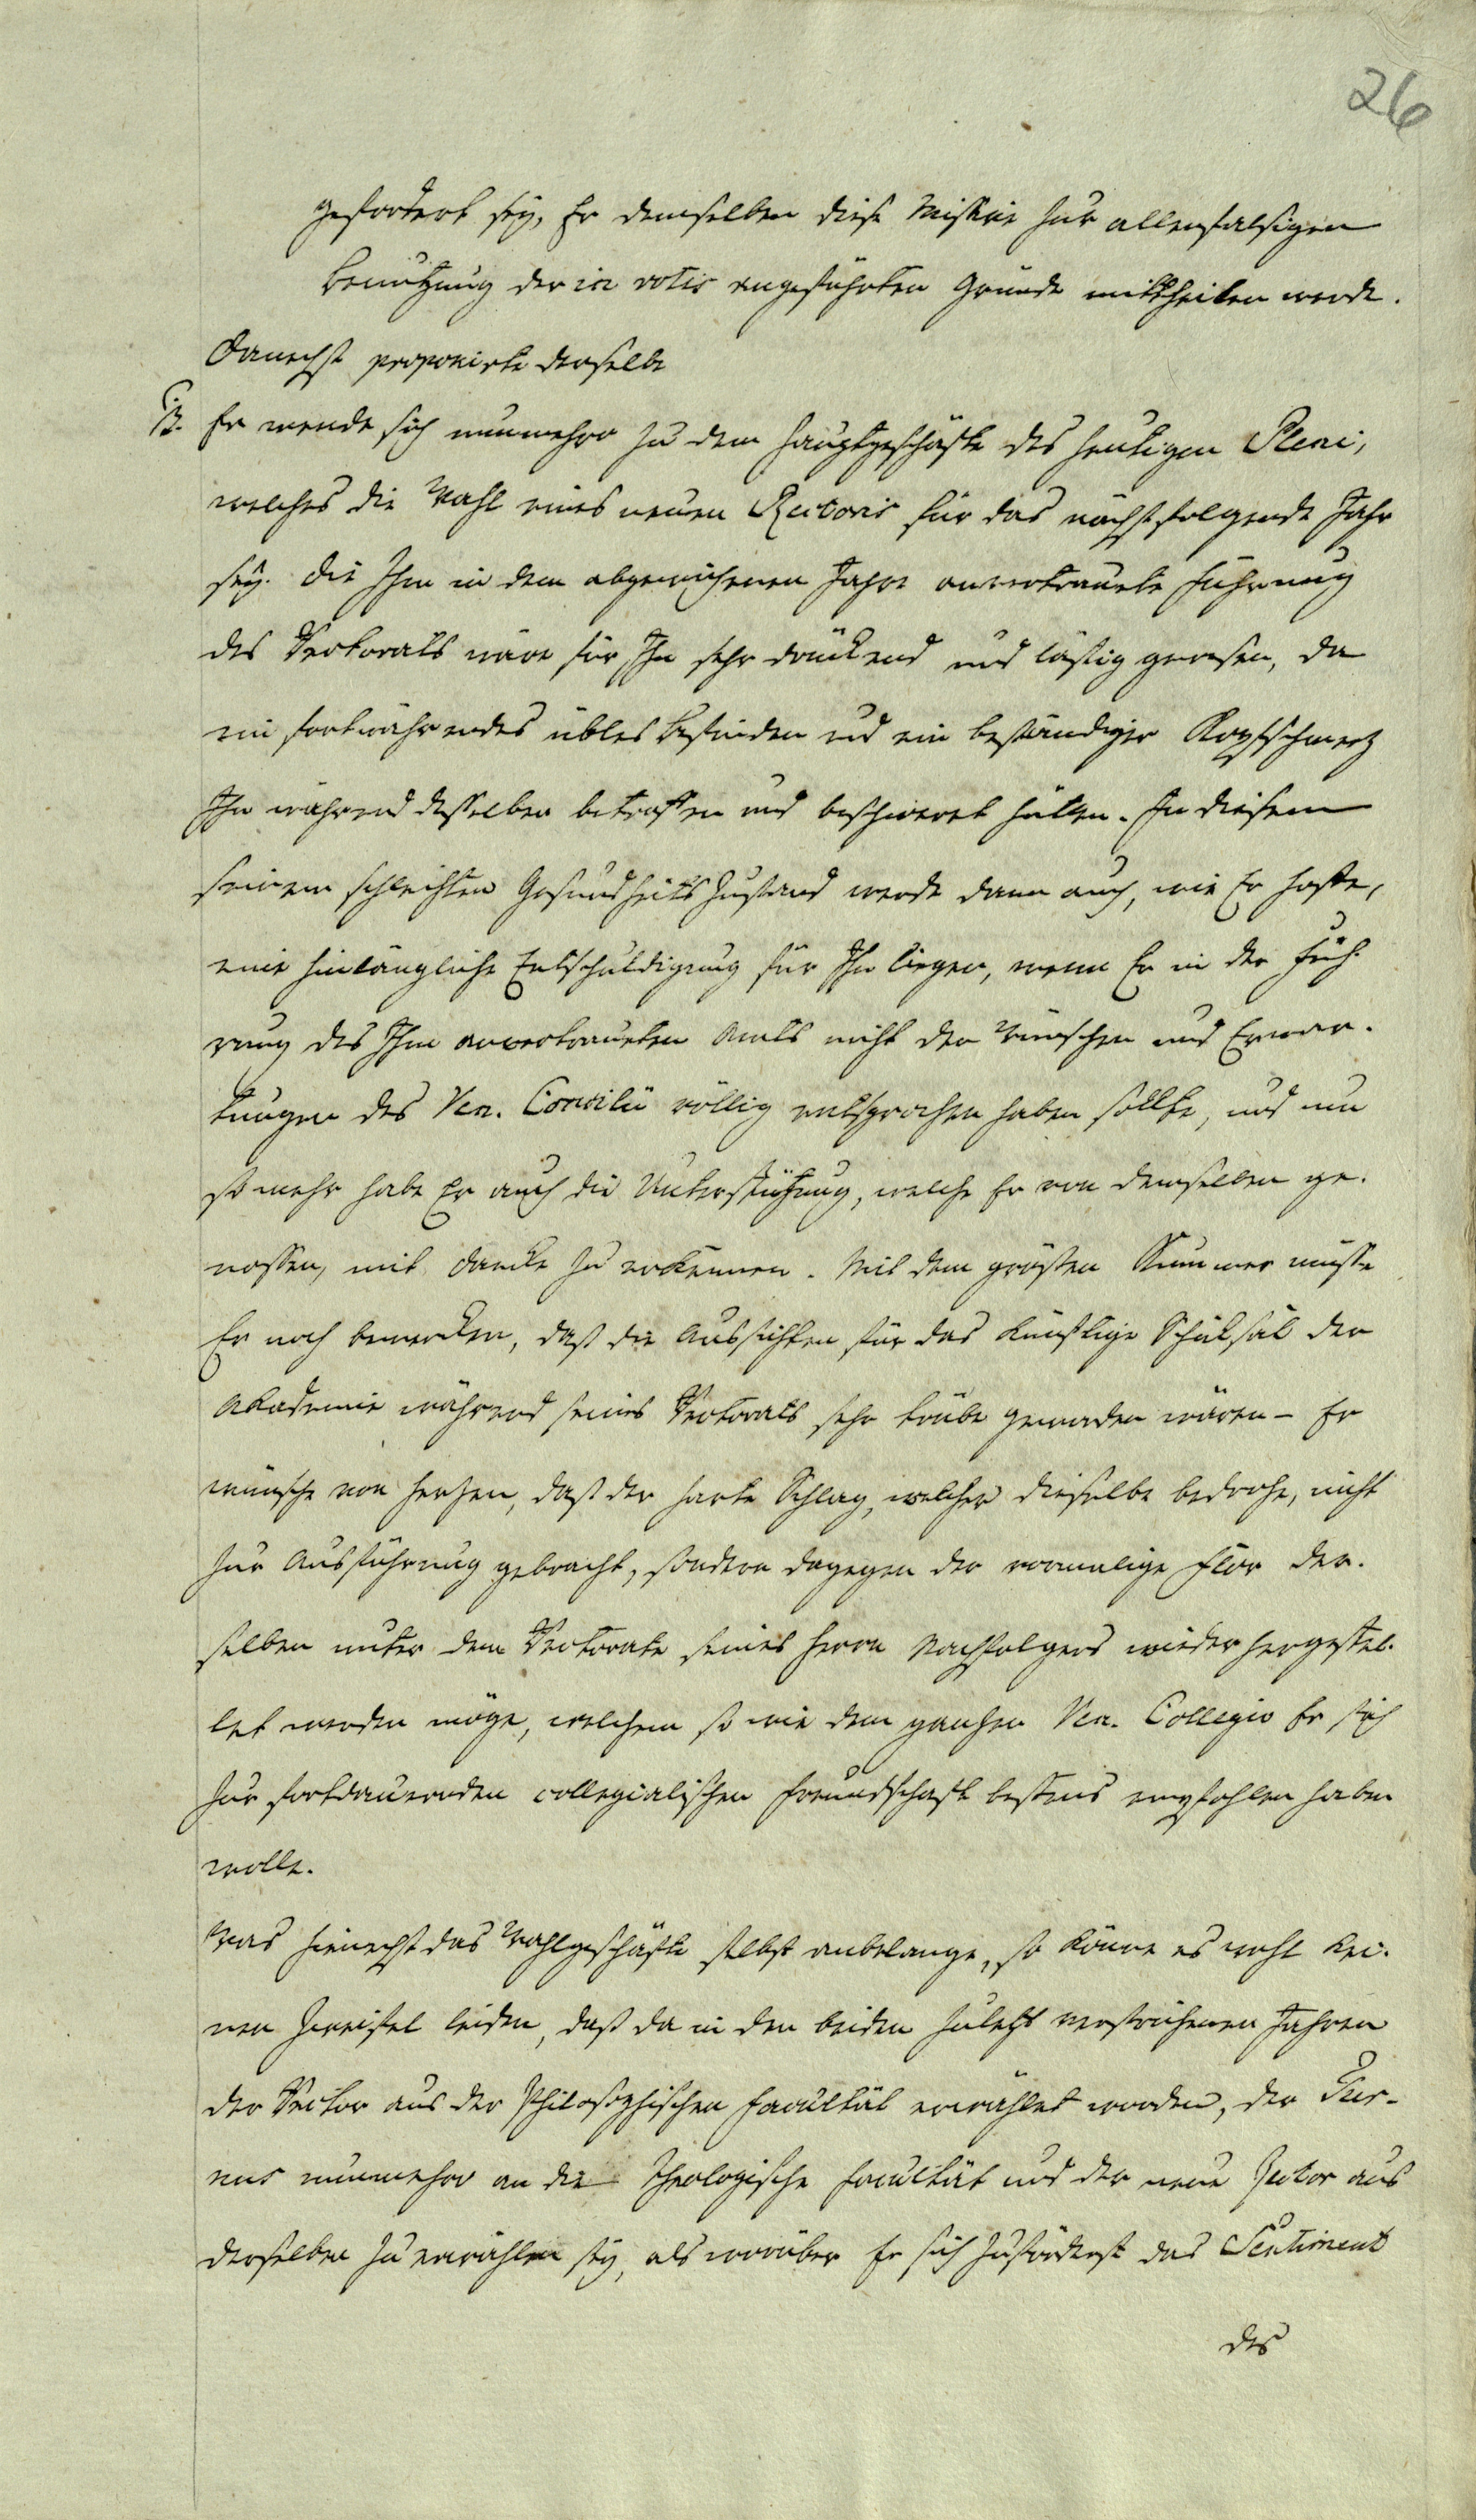gefordert seÿ, Er demselben diese Missive zur allerfalsigen
Benutzung der in votis angeführten Gründe mittheilen werde.
Danechst proponirte derselbe
3. Er wende sich nunmehro zu dem Hauptgeschäfte des heutigen Pleni,
welches die Wahl eines neuen Rectoris für das nächstfolgende Jahr
seÿ. Die Ihm in dem abgewichenen Jahre anvertrauete Führung
des Rectorats wäre für Ihn sehr drückend und lästig gewesen, da
in fortwährendes übles Befinden und ein beständiger Kopfschmerz
Ihn während desselben betroffen und beschweret hätten. In diesem
seinem schlechten Gesundheitszustand werde dann auch, wie Er hofte,
ein hinlängliche Entschuldigung für Ihn liegen, wenn Er in der Füh¬
rung des Ihm anvertraueten Amts nicht den Wünschen und Erwar¬
tungen des Ven. Concilii völlig entsprochen haben sollte, und um
so mehr habe Er auch die Unterstützung, welche Er von demselben ge¬
nossen, mit Dancke zu erkennen. Mit dem grösten Kummer müsse
Er noch bemerken, daß die Aussichten für das künftige Schicksal der
Akademie während seines Rectorats sehr trübe geworden wären. Er
wünsche von Herzen, daß der harte Schlag, welcher dieselbe bedrohe, nicht
zur Ausführung gebracht, sondern dagegen der vormalige Flor der¬
selben unter dem Rectorate seines Herrn Nachfolgers wieder hergestel¬
let werden möge, welchem so wie dem ganzen Ven. Collegio Er sich
zur fortdauernden collegialischen Freundschaft bestens empfohlen haben
wolle.
Was hienechst das Wahlgeschäfte selbst anbelange, so könne es wohl kei¬
nen Zweifel leiden, daß da in den beiden zuletzt verstrichenen Jahren
der Rector aus der Philosophischen Facultät erwählet worden, der Tur¬
nus nunmehro an die Theologische Facultät und der neue Rector aus
derselben zu erwählen seÿ, als worüber Er sich zuförderst das Sentiment
des